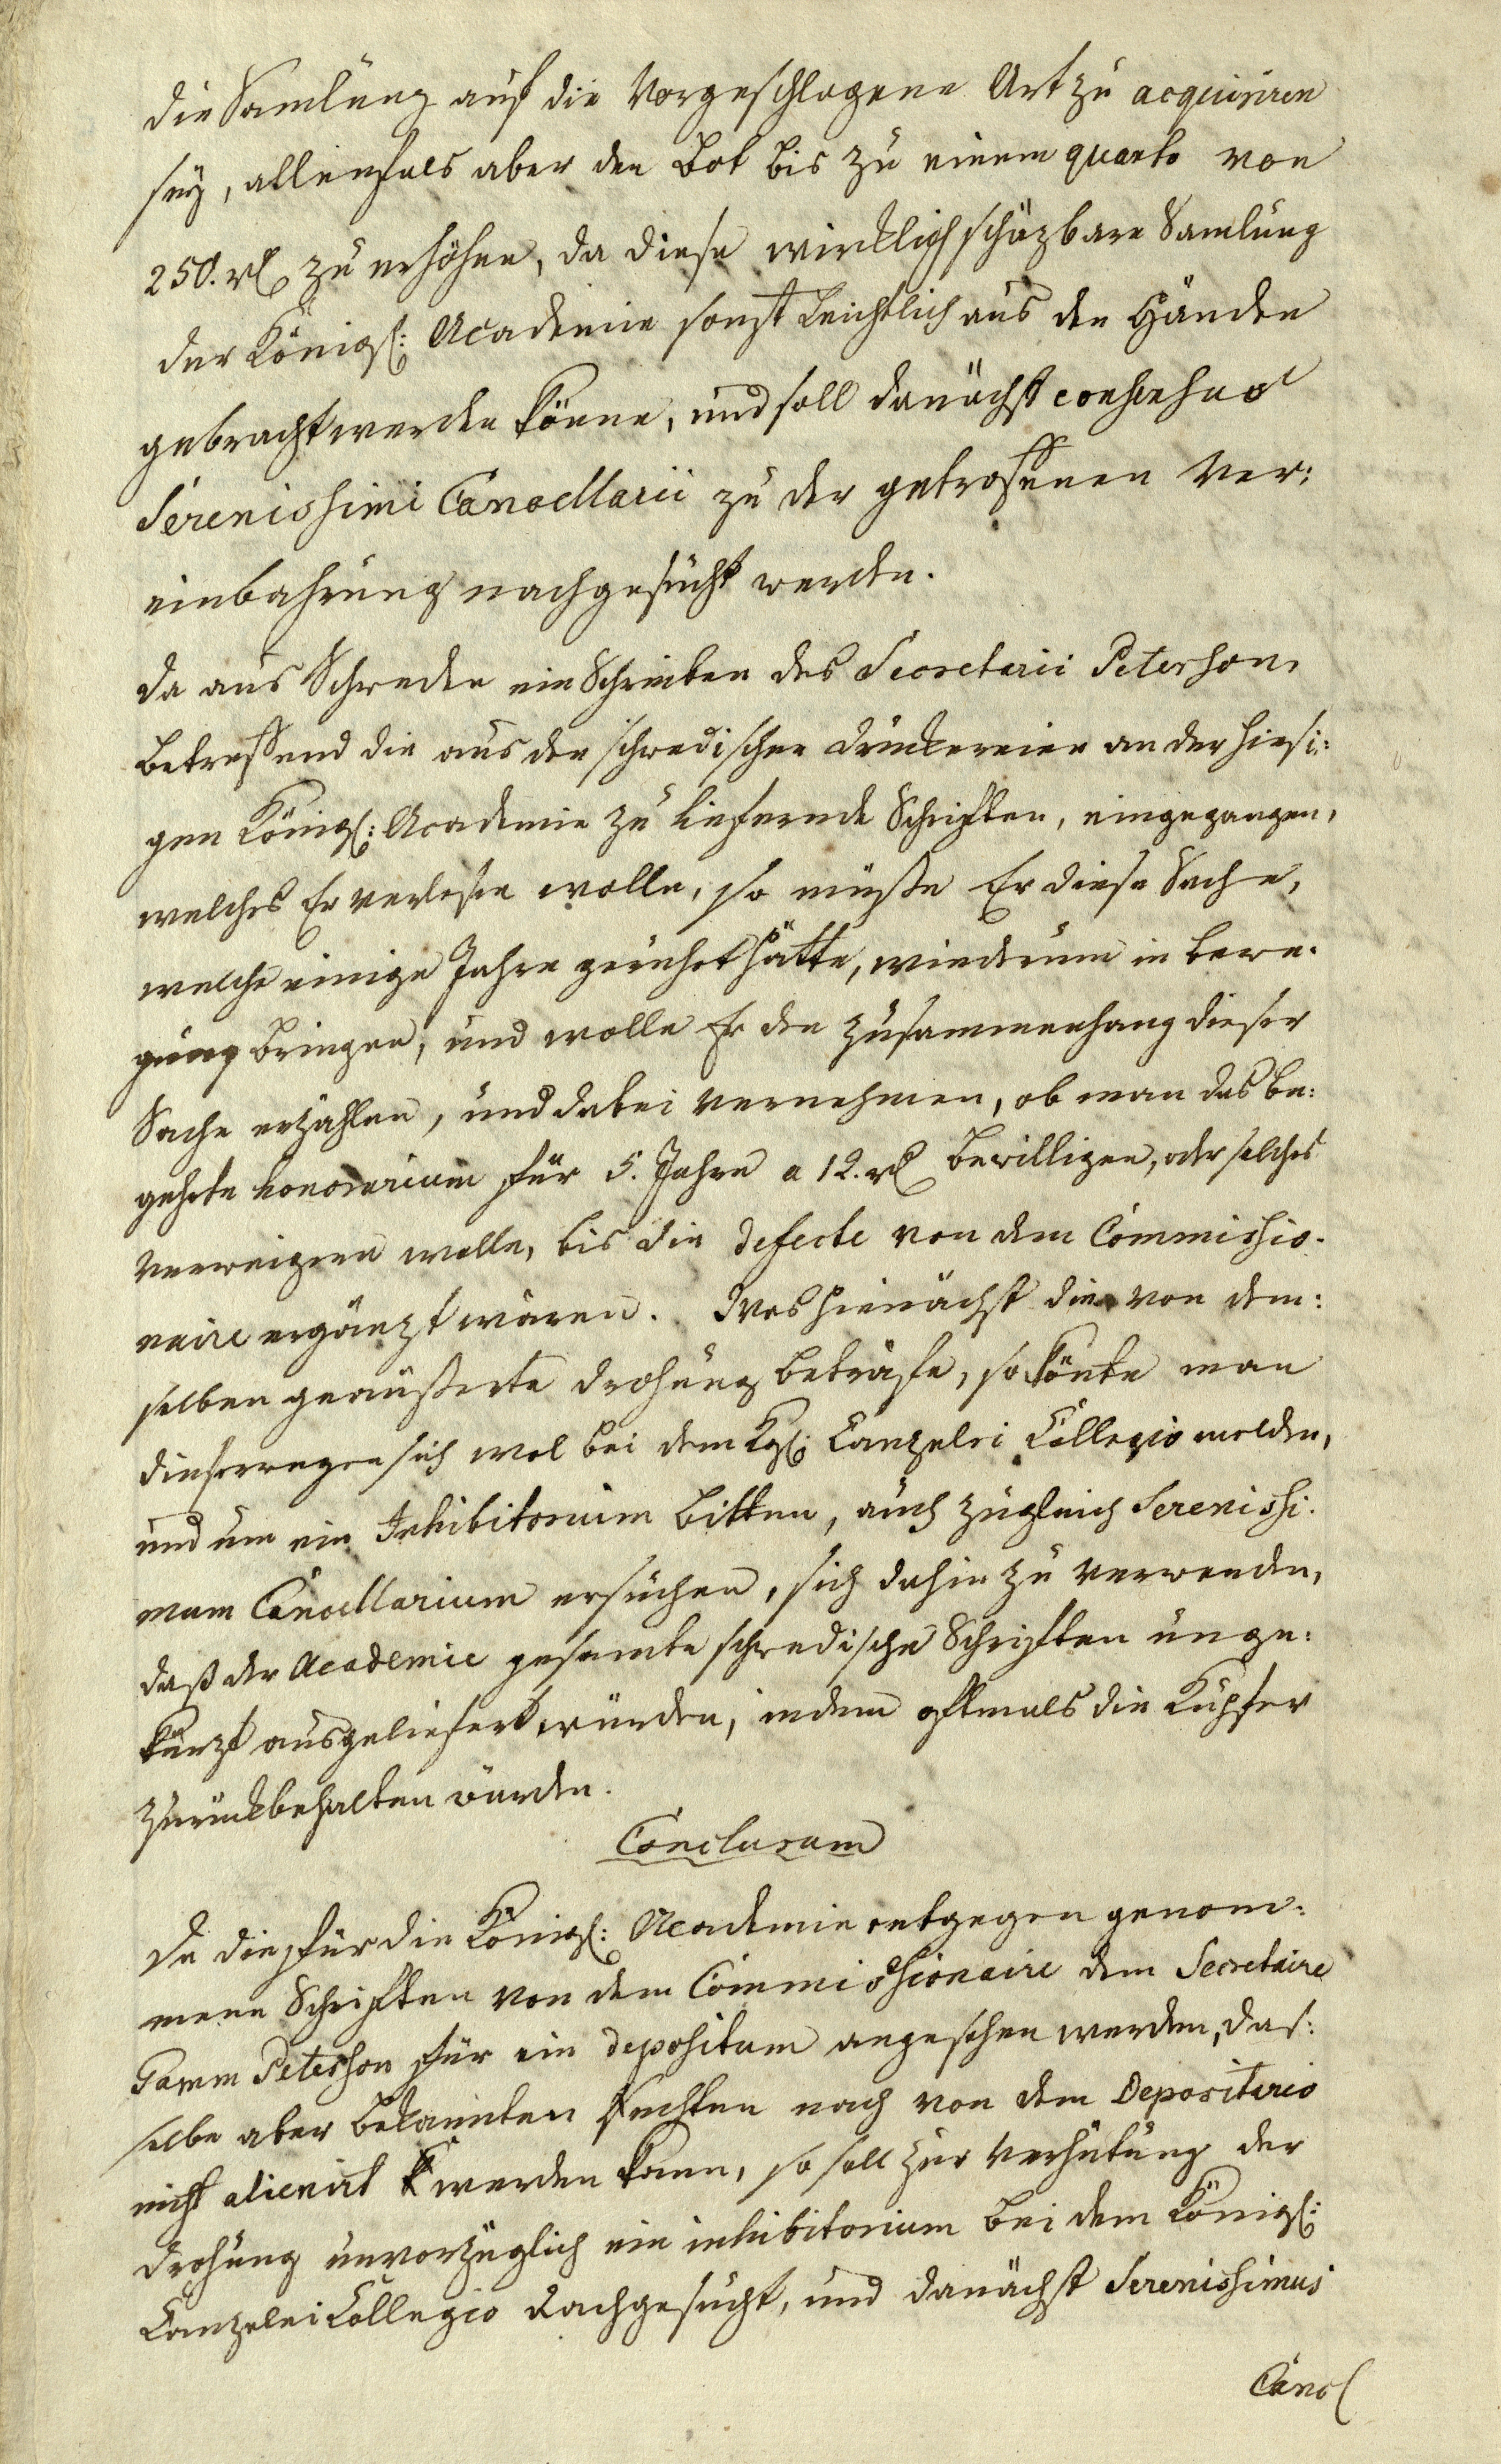die Samlung auf die vorgeschlagene Art zu acquiriren
seÿ, allenfals aber den Bot bis zu einem quarto von
250 r. zu erhöhen, da diese wircklich schäzbare Samlung
der Königl. Academie sonst leichtlich aus den Händen
gebracht werden könne, und soll danächst consensus
Serenissimi Cancellarii zu der getroffenen Ver¬
einbahrung nachgesucht werden.
Da aus Schweden ein Schreiben des Secretarii Peterson
betreffend die aus den schwedischen Druckereien an der hiesi¬
gen Königl. Academie zu liefernde Schriften, eingegangen,
welches Er verlesen wolle, so müße Er diese Sache,
welche einige Jahre geruhet hätte,wiederum in Bewe¬
gung bringen, und wolle Er den Zusammenhang dieser
Sache erzählen, und dabei vernehmen, ob man das be¬
gehrte honorarium für 5. Jahre a 12. r. bewilligen oder solches
verweigern wolle, bis die defecte von dem Commissio¬
naire ergänzt wären. Was hienächst die von dem¬
selben geäußerte Drohung beträfe, so könte man
dieserwegen sich wol bei dem Kgl. Canzelei Collegio melden,
und um ein Inhibitorium bitten, auch zugleich Serenissi¬
mum Cancellarium ersuchen, sich dahin zu verwenden,
daß der Academie gesandte schwedische Schriften unge¬
kürzt ausgeliefert würden, indem oftmals die Kupfer
zurückbehalten würden.
Conclusum
Da die für die Königl. Academie entgegen genom¬
mene Schriften von dem Commissionaire dem Secretaire
Gamm Peterson für ein depositum angesehen werden, das¬
selbe aber bekannten Rechten nach von dem Depositorio
nicht alienirt werden kann, so soll zur Verhütung der
Drohug unverzüglich ein inhibitorium bei dem Königl.
Canzelei Collegio nachgesucht, und danächst Serenissimus
Canc.